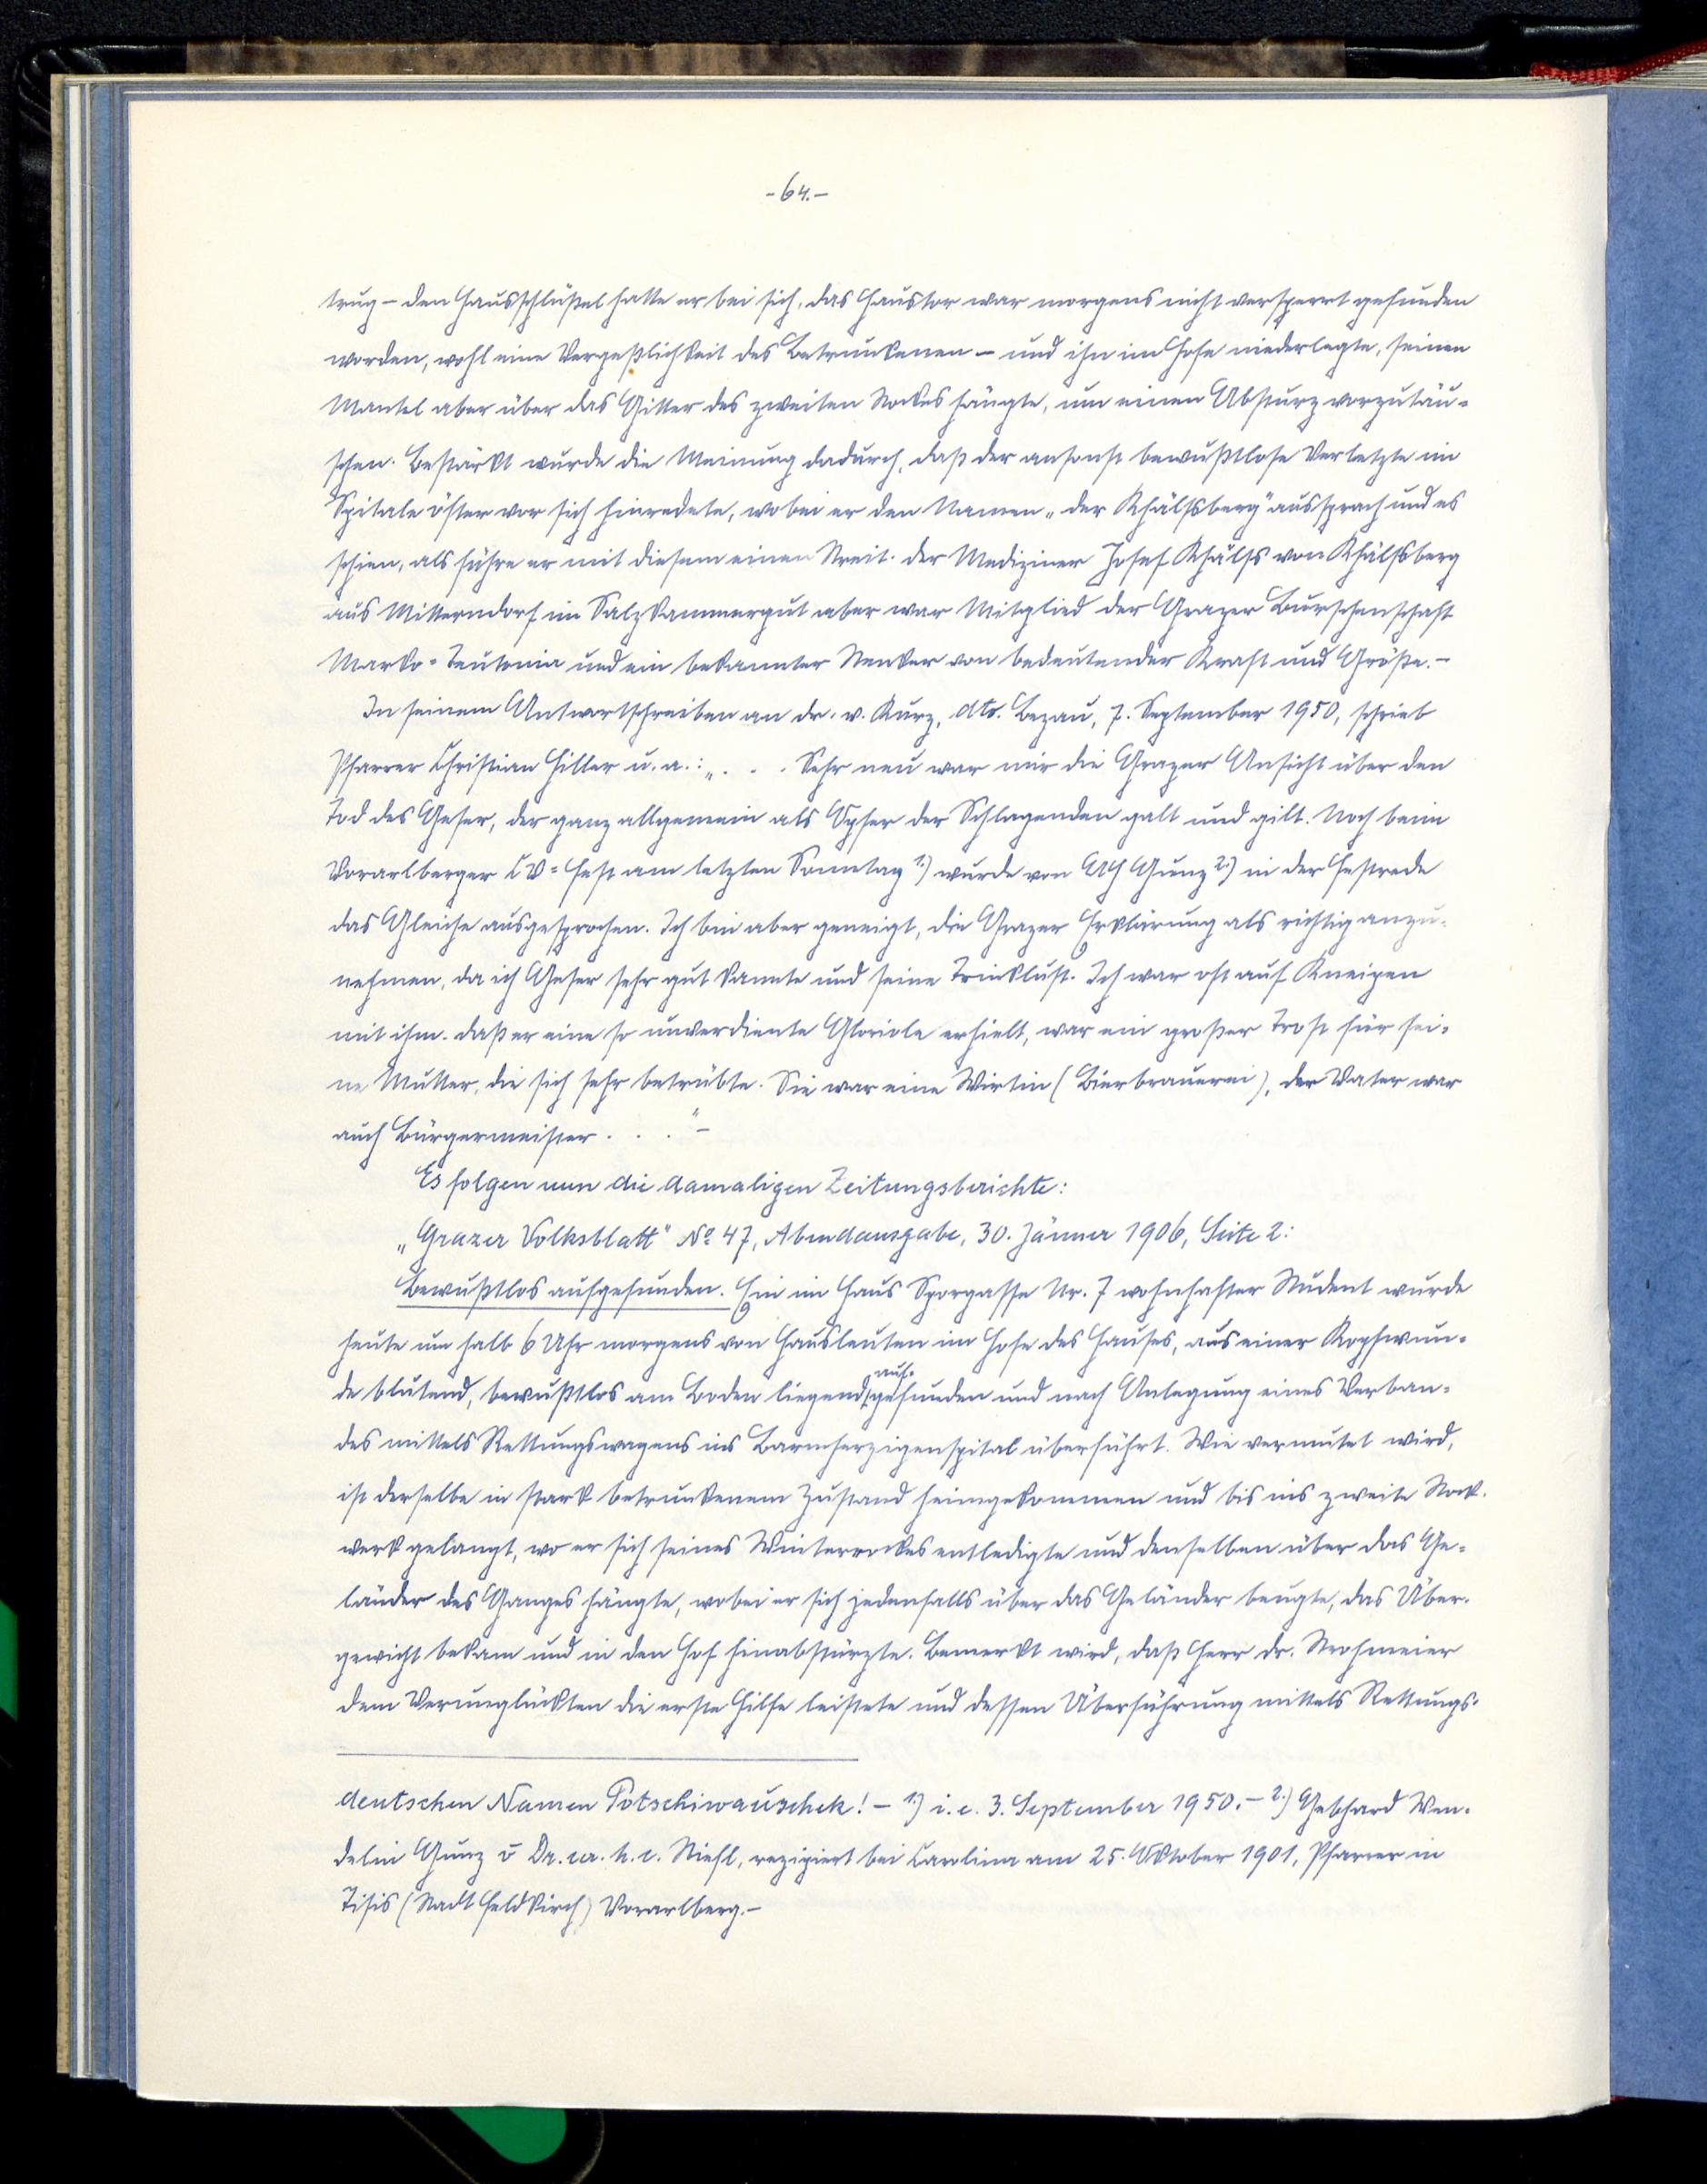64
trug -den Hausschlüßel hatte er bei sich, das Haustor war morgens nicht versperrt gefunden
worden, wohl eine Vergeßlichkeit des Betrunkenen- und ihn im Hofe niederlegte, seinen
Mantel aber über das Gitter des zweiten Stockes hängte, um einen Absturz vorzutäu-
schen. Bewirkt wurde die Meinung dadurch, daß der ansonst bewußtlose Verletzte im
Spitale öfter vor sich hin redete, wobei er den Namen „der Khälsberg“ aussprach und es
schien, als führe er mit diesem einen Streit. Der Mediziner Josef Khäls von Kählsberg
aus Mitterndorf im Salzkammergut aber war Mitglied der Grazer Burschenschaft
Mark-Teutonia und ein bekannter Stenker von bedeutender Kraft und Größe.-
In seinem Antwortschreiben an Dr. v. Kurz, dto Bezau, 7. September 1950, schrieb
Pfarrer Christian Hiller u. a.: „… Sehr neue war mir die Grazer Ansicht über den
Tod des Geser, der ganz allgemein als Opfer der Schlagenden galt und gilt. Noch beim
Vorarlberger CV-Fest am letzten Sonntag 1) wurde von AH Gunz 2) in der Festrede
das Gleiche ausgesprochen. Ich bin aber geneigt, die Grazer Erklärung als richtig anzu-
nehmen, da ich Geser sehr gut kannte und seine Trinklust. Ich war oft auf Kneipen
mit ihm. Dass eine so unverdiente Gloriole erhielt, war ein großer Trost für sei-
ne Mutter, die sich sehr betrübte. Sie war eine Wirtin (Bierbrauerin), der Vater war
auch Bürgermeister….“
Es folgen nun die damaligen Zeitungsberichte:
„Grazer Volksblatt“ Nr. 47, Abendausgabe, 30. Jänner 1906, Seite 2:
Bewusstlos aufgefunden: Ein im Haus Sporgasse Nr. 7 wohnhafter Student wurde
heute um halb 6 Uhr morgens von Hausleuten im Hofe des Hauses, aus einer Kopfwun
de blutend, bewusstlos am Boden liegend aufgefunden und nach Anlegung eines Verban-
des mittels Rettungswagens ins Barmherzigenspital überführt. Wie vermutet wird,
ist derselbe in stark betrunkenem Zustand heimgekommen und bis ins zweite Stock-
werk gelangt, wo sich seines Winterrockes entledigte und denselben über das Ge-
länder des Ganges hängte, wobei er sich jedenfalls über das Geländer hängte, das Über-
gewicht bekam und in den Hof hinabstürzte. Bemerkt wird, daß Herr Strohmaier
dem Verunglückten die erste Hilfe leistete und dessen Überführung mittels Rettungs-
deutschen Namen Potschiwauschek!- 1) i. e. 3. September 1950. 2) Gebhard Wen-
delin Guntz, v/o Dr. cer. h. c. Stiefl, rez. bei Carolina am 25. Oktober 1901. Pfarrer in
Tisis (Stadt Feldkirch) Vorarlberg.